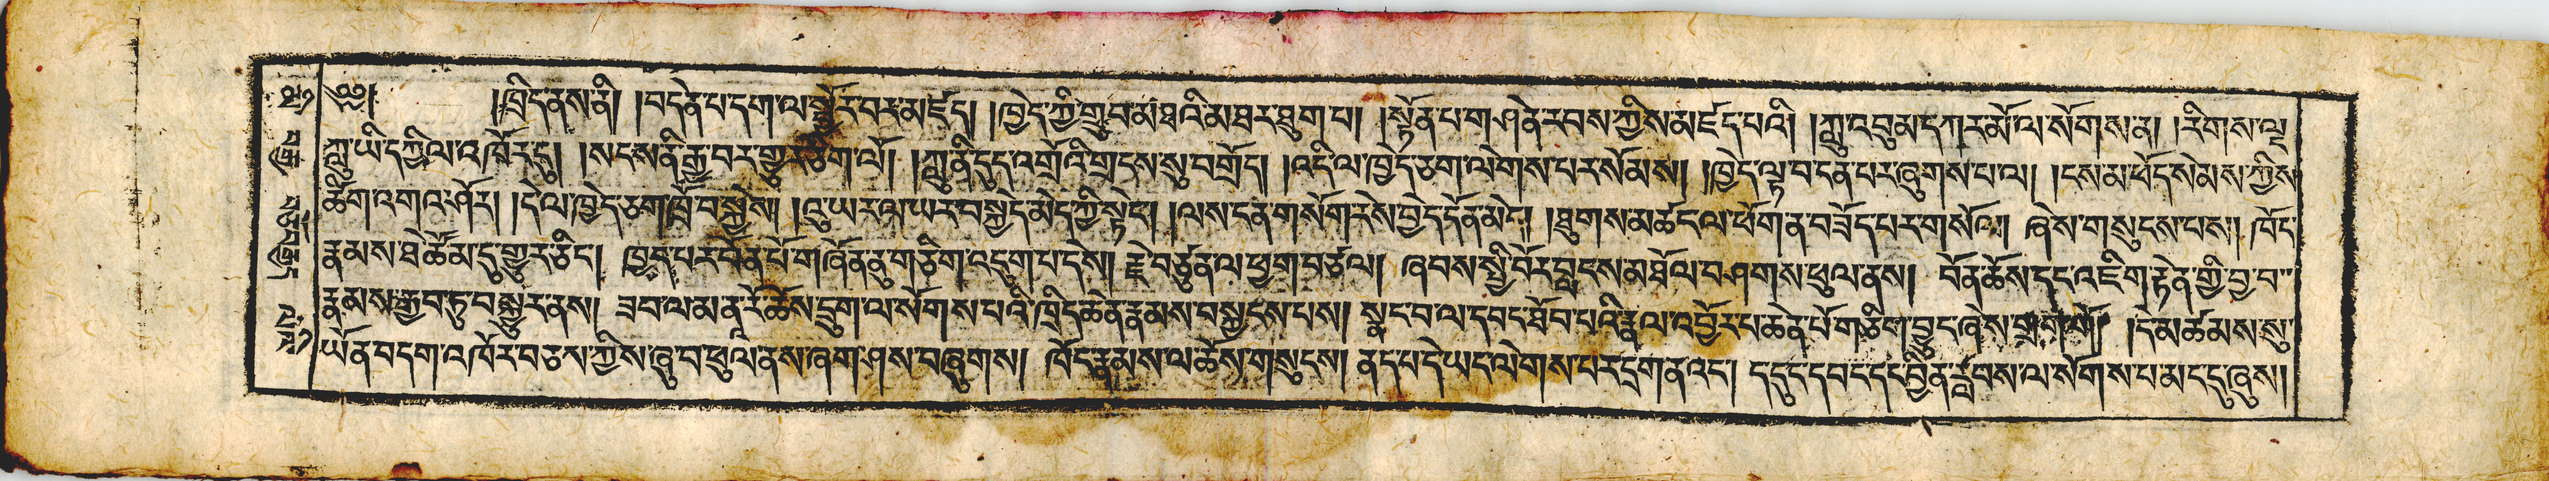ཁྲིད་ནས་ནི། །བདེན་པ་དག་ལ་སྦྱོར་བར་མཛད། །ཁྱེད་ཀྱི་གྲུབ་མཐའི་མཐར་ཐུག་པ། །སྟོན་པ་གཤེན་རབས་ཀྱིས་མཛད་པའི། །ཀླུ་འབུམ་དཀར་མོ་ལ་སོགས་ན། །རིགས་ལྔ་
ཀླུ་ཡི་དཀྱིལ་འཁོར་དུ། །སངས་ནི་རྒྱ་བར་གྱུར་ཅིག་ལོ། །ཀླུ་ནི་དུད་འགྲོའི་གྲངས་སུ་བགྲོད། །འདི་ལ་ཁྱེད་ཅག་ལེགས་པར་སོམས། །ཁྱེད་ལྟ་བ་ངན་པར་ཞུགས་པ་ལ། །ངས་མ་ཕོད་སེམས་ཀྱིས་
ཚིག་འགའ་ཤོར། །དེ་ལ་ཁྱེད་ཅག་ཁྲོ་བ་སྐྱེས། །འུ་ཡར་ལ་ཡར་བསྐྱེད་མེད་ཀྱི་སྟེར། །ལས་ངན་གསོག་རེས་བྱེད་དོན་མེད། །ཐུགས་མཚང་ལ་ཕོག་ན་བཟོད་པར་གསོལ། །ཞེས་གསུངས་པས། ཁོང་
རྣམས་ཐེ་ཚོམ་དུ་གྱུར་ཅིང་། ཁྱད་པར་བོན་པོ་གཞོན་ནུ་གཅིག་འདུག་པ་དེས། རྗེ་བཙུན་ལ་ཕྱག་བཙལ། ཞབས་སྤྱི་བོར་བླངས་མཐོལ་བཤགས་ཕུལ་ནས། བོན་ཆོས་དང་འཇིག་རྟེན་གྱི་བྱ་བ་་
རྣམས་རྒྱབ་ཏུ་བསྐྱུར་ནས། ཟབ་ལམ་ནཱ་རོ་ཆོས་དྲུག་ལ་སོགས་པའི་ཁྲིད་ཆེན་རྣམས་བསྐྱངས་པས། སྣང་བ་ལ་དབང་ཐོབ་པའི་རྣལ་འབྱོར་པ་ཆེན་པོ་གཅིག་བྱུང་ཞེས་བྲག་གོ། །དེ་མཚམས་སུ་
ཡོན་བདག་འཁོར་བཅས་ཀྱིས་ཞུ་བ་ཕུལ་ནས་ཞག་ཤས་བཞུགས། ཁོང་རྣམས་ལ་ཆོས་གསུངས། ནད་པ་དེ་ཡང་ལེགས་པར་དྲག་ནའང་། ད་དུང་དབང་དང་བྱིན་རླབས་ལ་སོགས་པ་མང་དུ་ཞུས།